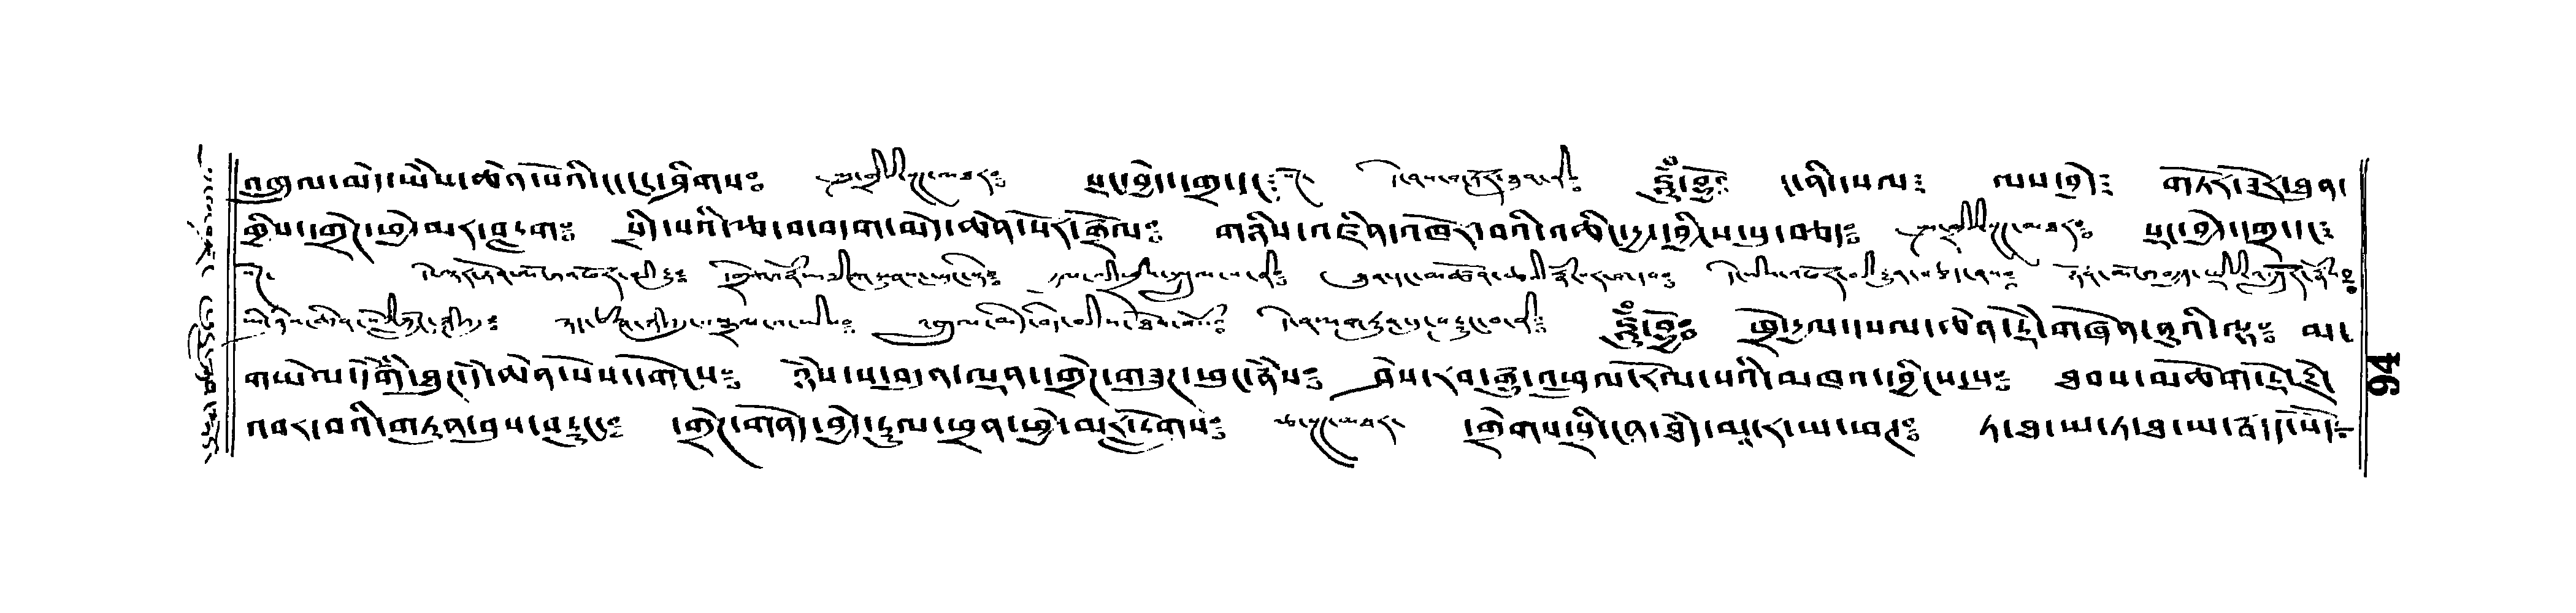འཁྲུལ་མེད་ཡེ་ཤེས་ཆེན་པོའི་ངང་དུ་ཤིགས༔ སྤུ་གྲིའི་སྔགས་མཐར༔ སྡང་བྱེད་དགྲ་དང་སོགས༔ དེ་ནས་གཏོར་ཐུན་ནི༔ ཧཱུྃ་བྷྱོ༔ ང་ནི་དཔལ་ཆེན༴ ལས་བྱེད༴ གཏོར་ཟོར་ཐུན་
གྱིས་དགྲ་བགེགས་ཕྱེ་མར་བརླག༔ སྲིད་པའི་རྩ་བ་དག་མེད་ཆེན་པོར་སྒྲོལ༔ གཉིས་འཛིན་འཁོར་བའི་འཆིང་རྒྱ་དབྱིངས་སུ་བཅད༔ སྤུ་གྲིའི་སྔགས་མཐར༔ སྡང་བྱེད་དགྲ་དང་
སོགས༔ དེ་ལྟར་ཉོན་མོངས་འཁོར་བའི་རྒྱུ༔ དགྲ་བགེགས་རྣམས་ཀྱི་གཟུགས་ཕུང་སྟེ༔ རྒྱལ་གྱི་ཕྲིན་ལས་སྤྲུལ་པ་ནི༔ ཐུན་དང་མཚོན་ཆའི་རྣམ་པར་གདབ༔ དེ་ཡིས་འཁོར་བའི་རྒྱུན་བཅད་ནས༔ ཉོན་མོངས་བརྒྱད་ཁྲིའི་འཁྲུལ་འཁོར་རྣམས༔ 
ཡེ་ཤེས་ཆེན་པོའི་ཀློང་ཉིད་དུ༔ སྐད་ཅིག་ཉིད་དུ་བསྒྲལ་བ་ཡིས༔ འཁྲུལ་མེད་བདེ་བའི་ས་ཐོབ་བསམ༔ དེ་ནས་གཏུན་དུ་བརྡུང་བ་ནི༔ ཧཱུྃ་བྷྱོ༔ ཁྲོ་རྒྱལ་དཔལ་ཆེན་རྡོ་རྗེ་གཞོན་ནུའི་ལྷ༔ མ་
གཡེལ་དམ་ཚིག་ཐུགས་དམ་ཆེན་པོས་དགོངས༔ ཉམས་པ་བདུན་ལྡན་དགྲ་བགེགས་གཟུགས་ཕུང་རྣམས༔ ཤེས་རབ་སྒྱུ་འཕྲུལ་རོལ་བའི་མཁའ་དབྱིངས་སུ༔ཐབས་མཆོག་རྡོ་རྗེ་
འབར་བའི་གཏུན་བུས་བརྡུང༔ དགྲ་བགེགས་གནོད་བྱེད་རྡུལ་ཕྲན་ཕྱེ་མར་རློགས༔ རྩ་སྔགས་མཐར༔ དགྲ་བགེགས་སྲི་ངན་ཐམས་ཅད་མཱ་ར་ཡ་ཕཊ༔ ཏ་ཐ་ཡ་ཏ་ཐ་ཡ་རྦད་རྦད་སོད་སོད༔